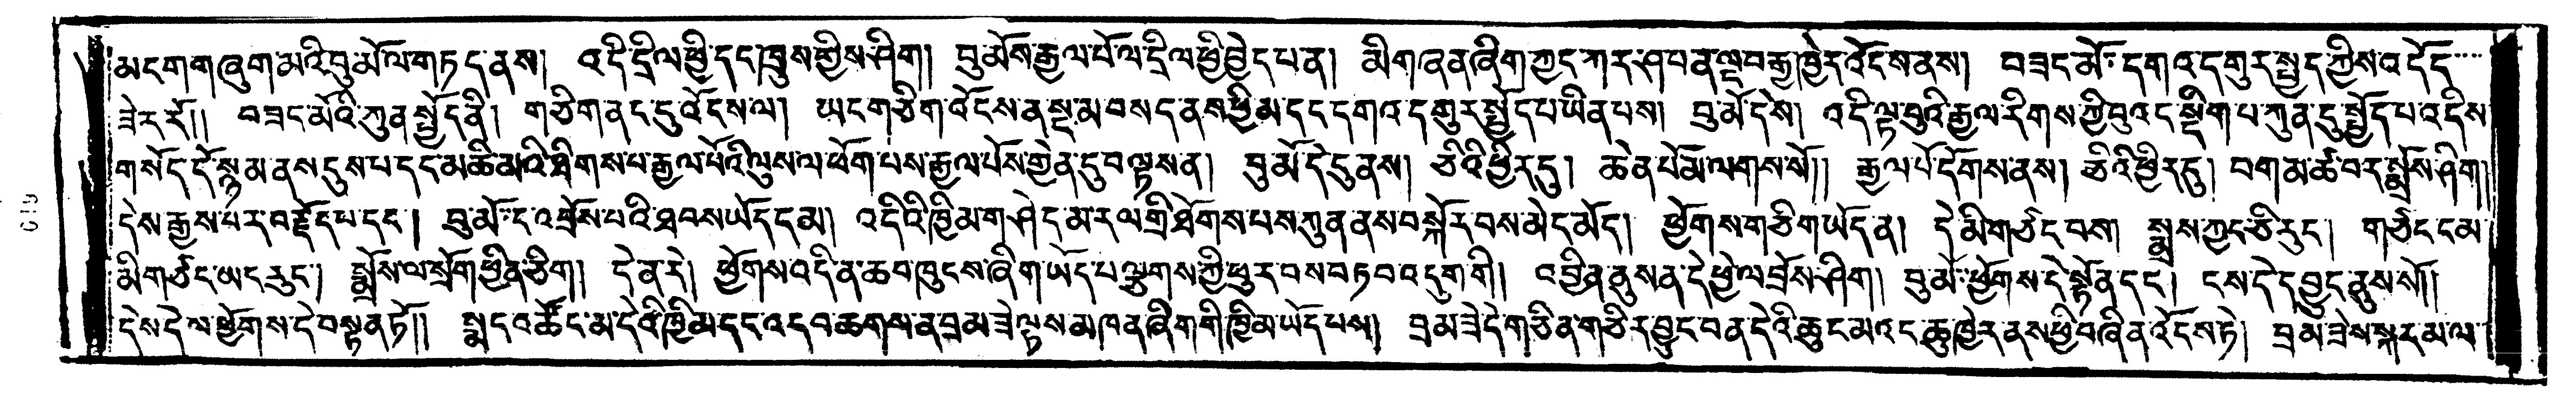མངག་གཞུག་མའི་བུ་མོ་ལ་གཏད་ནས། འདི་དྲིལ་ཕྱི་དང་ཁྲུས་གྱིས་ཤིག། བུ་མོས་རྒྱལ་པོ་ལ་དྲིལ་ཕྱི་བྱེད་པ་ན། མི་གཞན་ཞིག་ཀྱང་ཀར་ཤ་པ་ན་ལྔ་བརྒྱ་ཁྱེར་འོངས་ནས། བཟང་མོ་དགའ་དགུར་སྤྱད་ཀྱིས་འདོད་
ཟེར་རོ།། བཟང་མོའི་ཀུན་སྤྱོད་ནི། གཅིག་ནང་དུ་འོངས་ལ། ཡང་གཅིག་འོངས་ན་སྔ་མ་བསད་ནས་ཕྱི་མ་དང་དགའ་དགུར་སྤྱོད་པ་ཡིན་པས། བུ་མོ་དེས། འདི་ལྟ་བུའི་རྒྱལ་རིགས་ཀྱི་བུའང་སྡིག་པ་ཀུན་དུ་སྤྱོད་པ་འདིས་
གསོད་དོ་སྙམ་ནས་དུས་པ་དང་མཆི་མའི་ཐིགས་པ་རྒྱལ་པོའི་ལུས་ལ་ཕོག་པས་རྒྱལ་པོས་གྱེན་དུ་བལྟས་ན། བུ་མོ་དེ་དུ་ནས། ཅིའི་ཕྱིར་དུ། ཆེན་པོ་མ་ལགས་སོ།། རྒྱལ་པོ་དོགས་ནས། ཅིའི་ཕྱིར་དུ། བག་མ་ཚ་བར་སྨྲོས་ཤིག།
དེས་རྒྱས་པར་བརྗོད་པ་དང་། བུ་མོཿ ད་འབྲོས་ཐབས་ཡོད་དམ། འདིའི་ཁྱིམ་གཤེད་མ་རལ་གྲི་ཐོགས་པས་ཀུན་ནས་བསྐོར་བས་མེད་མོད། ཕྱོགས་གཅིག་ཡོད་ན། དེ་མི་གཙང་བས། སྨྲས་ཀྱང་ཅི་རུང་། གཙང་ངམ་
མི་གཙང་ཡང་རུང་། སྲོས་ལ་སྲོག་ཕྱིན་ཅིག། དེ་ན་རེ། ཕྱྒོས་འདི་ནི་ཆབ་ཁུངས་ཞིག་ཡོད་པ་ལྕགས་ཀྱི་ཕུར་བས་བཏབ་འདུག་གི། འབྱིན་ནུས་ན་དེ་ཕྱེ་ལ་བྲོས་ཤིག། བུ་མོ་ཕྱོགས་དེ་སྟོན་དང་། ངས་དེ་དབྱུང་ནུས་སོ།།
དེས་དེ་ལ་ཕྱོགས་དེ་བསྟན་ཏོ།། སྨད་འཚོང་མ་དེའི་ཁྱིམ་དང་འདབ་ཆགས་ན་བྲམ་ཟེ་ལྟས་མཁན་ཞིག་གི་ཁྱིམ་ཡོད་པས། བྲམ་ཟེ་དེ་གཅིན་གཅིར་བྱུང་བ་ན་དེའི་ཆུང་མའང་ཆུ་ཁྱེར་ནས་ཕྱི་བཞིན་འོངས་ཏེ། བྲམ་ཟེས་སྐར་མ་ལ་